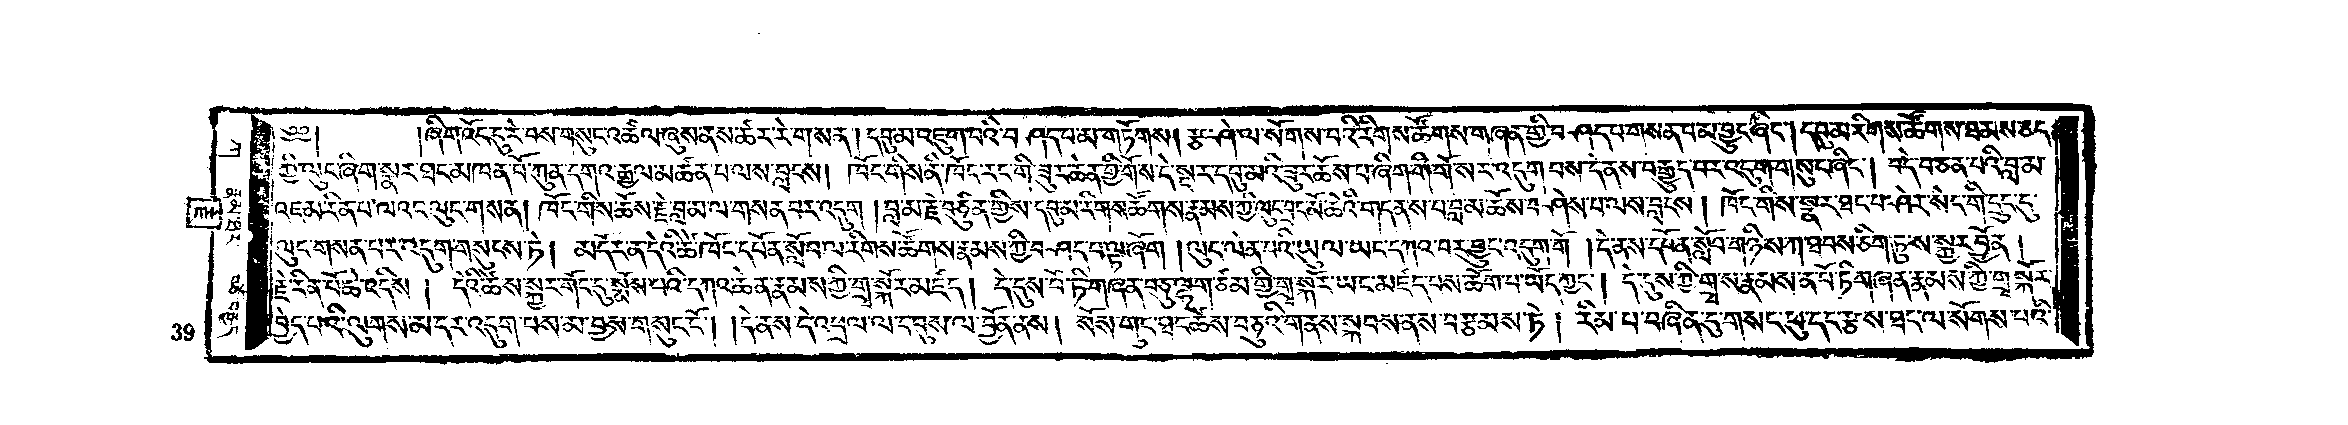༄༅། །ཞིག་འོང་དུ་རེ་བས་གསུང་འཚལ་ཞུས་ནས་ཚར་རེ་གསན། དབུ་མ་འཇུག་པའི་བཤད་པ་མ་གཏོགས། རྩ་ཤེ་ལ་སོགས་པའི་རིགས་ཚོགས་གཞན་གྱི་བཤད་པ་གསན་པ་མ་བྱུང་ཞིང་། དབུ་མ་རིགས་ཚོགས་ཐམས་ཅད་
ཀྱི་ལུང་ཞིག་སྣར་ཐང་མཁན་པོ་ཀུན་དགའ་རྒྱལ་མཚན་པ་ལས་བླངས། ཁོང་གིས་ནི་ཁོང་རང་གི་ཟུར་ཆེན་གྱི་གོ་ས་དེ་སྔར་དབུ་མའི་ཟུར་ཆོས་པ་ཞིག་གི་གོ་སར་འདུག་པས་དེ་ནས་བརྒྱུད་པར་འདུག་གསུང་ཞིང་། བདེ་བ་ཅན་པའི་བླ་མ་
འཇམ་རིན་པ་ལའང་ལུང་གསན། ཁོང་གིས་ཆོས་རྗེ་བླ་མ་ལ་གསན་པར་འདུག །བླ་མ་རྗེ་བཙུན་གྱིས་དབུ་མ་རིགས་ཚོགས་རྣམས་ཀྱི་ལུང་བྲང་མོ་ཆེའི་གདན་ས་པ་བླ་མ་ཆོས་བཤེས་པ་ལས་བླངས། ཁོང་གིས་སྣར་ཐང་པ་ཤེར་སེང་གི་དྲུང་དུ་
ལུང་གསན་པར་འདུག་གསུངས་ཏེ། མདོར་ན་དེའི་ཚེ་ཁོང་དཔོན་སློབ་ལ་རིགས་ཚོགས་རྣམས་ཀྱི་བཤད་པ་ལྟ་ཞོག །ལུང་ལེན་པའི་ཡུལ་ཡང་དཀའ་བར་བྱུང་འདུག་གོ །དེ་ནས་དཔོན་སློབ་གཉིས་ཀ་ཐབས་ཅིག་ཏུ་ས་སྐྱར་བྱོན།
རྗེ་རིན་པོ་ཆེ་འདིས། དེའི་ཚེ་ས་སྐྱར་གོང་དུ་སྨོས་པའི་དཀའ་ཆེན་རྣམས་ཀྱི་གྲྭ་སྐོར་མཛད། དེ་དུས་པོ་ཏི་གཞན་བཅུ་ལྷག་ཙམ་གྱི་གྲྭ་སྐོར་ཡང་མཛད་པས་ཆོག་པ་ཡོད་ཀྱང་། དེ་དུས་ཀྱི་གྲྭ་ས་རྣམས་ན་པོ་ཏི་གཞན་རྣམས་ཀྱི་གྲྭ་སྐོར་
བྱེད་པའི་ལུགས་མདར་འདུག་པས་མ་བྱས་གསུང་ངོ། །དེ་ནས་དེ་འཕྲལ་ལ་ང་བུས་ལ་བྱོན་ནས། སོས་གུང་ཐང་ཚེས་བཅུའི་གནས་སྐབས་ནས་བརྩམས་ཏེ། རིམ་པ་བཞིན་དུ་གསང་ཕུ་དང་རྩས་ཐང་ལ་སོགས་པའི་